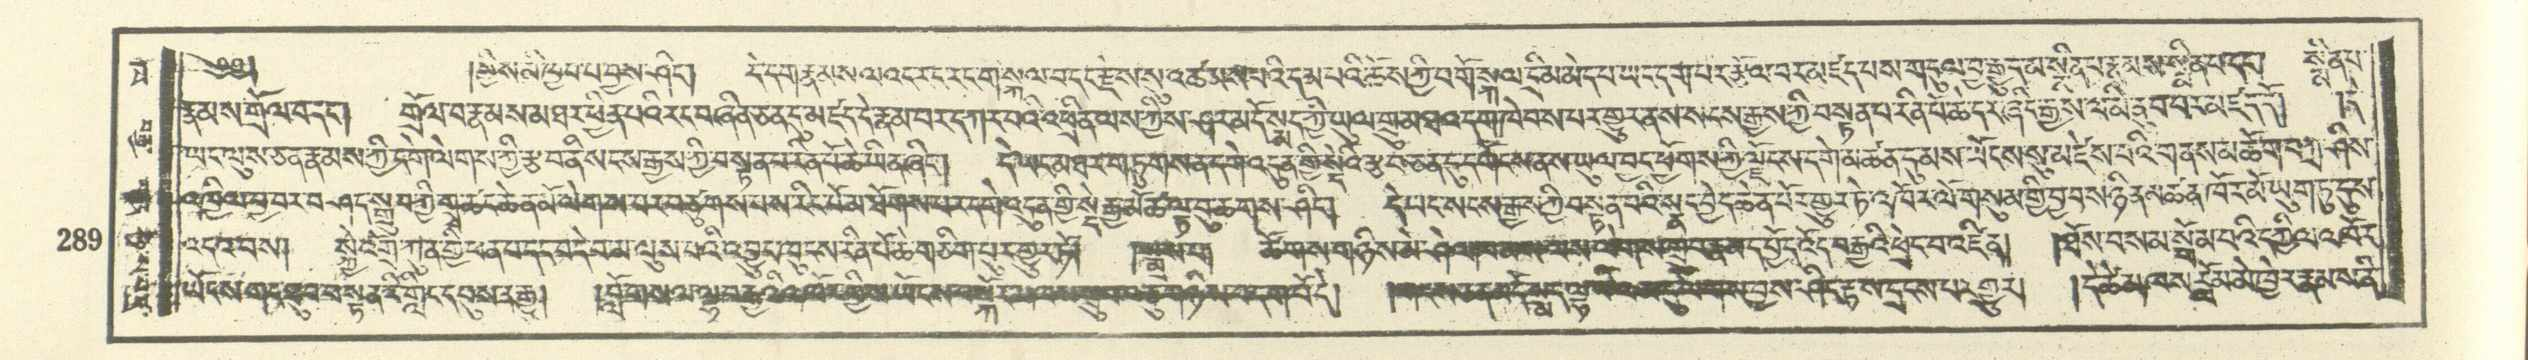༄༅། །གྱིས་མི་ཁྱབ་པ་བྱས་ཤིང་། དེ་དག་རྣམས་ལའང་རང་རང་གི་སྐལ་བ་དང་རྗེས་སུ་འཚེམས་པའི་དམ་པའི་ཆོས་ཀྱི་བགོ་སྐལ་དྲི་མ་མེད་པ་ཡང་དག་པར་རྩོལ་བར་མཛད་པས་གདུལ་བྱ་རྒྱུད་མ་སྨིན་པ་རྣམས་སྨིན་པ་དང་། སྨིན་པ་
རྣམས་གྲོལ་བ་དང་། གྲོལ་བ་རྣམས་མཐར་ཕྱིན་པའི་རང་བཞིན་ཅན་དུ་མཛད་དེ་རྣམ་པར་དཀར་བའི་འཕྲིན་ལས་ཀྱིས་ཤར་མདོ་སྨད་ཀྱི་ཡུལ་གྲུ་མཐའ་དག་ཁེབས་པར་གྱུར་ནས་སངས་རྒྱས་ཀྱི་བསྟན་པ་རིན་པོ་ཆེ་དར་ཞིང་རྒྱས་ལ་མི་ནུབ་པར་མཛད་དོ། །དེ་
ཡང་ལུས་ཅན་རྣམས་ཀྱི་དགེ་ལེགས་ཀྱི་རྩ་བ་ནི་སངས་རྒྱས་ཀྱི་བསྟན་པ་རིན་པོ་ཆེ་ཡིན་ཞིང་། དེ་ཡང་མཐར་གཏུགས་ན་དགེ་འདུན་གྱི་སྡེའི་རྩ་བ་ཅན་དུ་དགོངས་ནས་ཡུལ་བྱང་ཕྱོགས་ཀྱི་ལྗོངས་དགེ་མཚན་དུ་མས་ཡོངས་སུ་མཛེས་པའི་གནས་མཆོག་བཀྲ་ཤིས་
འཁྱིལ་བྱ་བར་བཤད་སྒྲུབ་ཀྱི་གྲྭ་ཚང་ཆེན་མོ་ལེགས་པར་བཙུགས་པས་རིང་པོ་མ་ཐོགས་པར་དགེ་འདུན་གྱི་སྡེ་རྒྱ་མཚོ་ལྟ་བུ་ཆགས་ཤིང་། དེ་ཡང་སངས་རྒྱས་ཀྱི་བསྟན་པའི་སྣང་བྱེད་ཆེན་པོར་གྱུར་ཏེ་འཁོར་ལོ་གསུམ་གྱི་བྱ་བས་ཉིན་མཚན་ཁོར་མོ་ཡུག་ཏུ་དུས་
འདའ་བས། སྐྱེ་འགྲོ་ཀུན་གྱི་ཕན་བ་དང་བདེ་བ་མ་ལུས་པའི་འབྱུང་ཁུངས་རིན་པོ་ཆེ་གཅིག་པུར་གྱུར་ཏོ། །སྨྲས་པ། ཚོགས་གཉིས་མེ་ཤེལ་ཁམས་ལས་ལེགས་གྲུབ་རྣམ་དཔྱོད་འོད་བརྒྱའི་ཕྲེང་བ་འཛིན། །ཐོས་བསམ་སྒོམ་བའི་དཀྱིལ་འཁོར་
ཡོངས་གང་ཐུབ་བསྟན་རི་གླིང་དབུས་ན་རྒྱུ། །བློ་གསལ་ལྷ་བརྒྱའི་འཁོར་གྱིས་ཡོངས་བསྐོར་མཁས་གྲུབ་བཅུ་གཉིས་བདག་པོ་དེ། །གངས་ཅན་མདོ་སྨད་ལྷ་ཡི་ལམ་དུ་ལེགས་བྱས་ཤིང་རྟས་དྲངས་པར་གྱུར། །དེ་ཚེ་མཁས་རློམ་མེ་ཁྱེར་རྣམས་ནི་